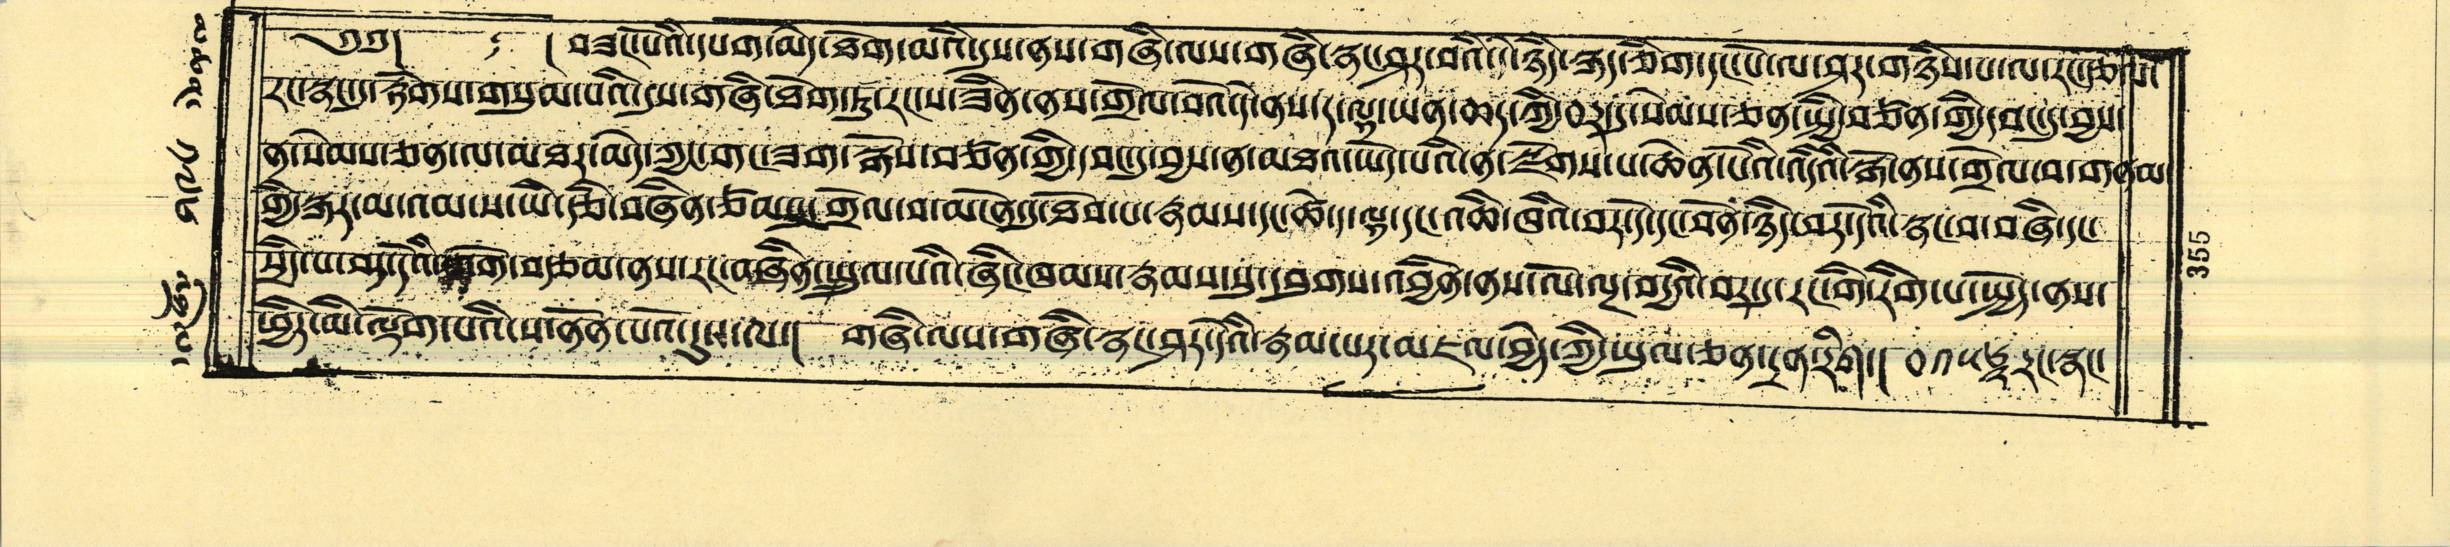བཟང་པོའི་དཔག་མེད་ཐོག་མའི་དུས་ནས་གཞི་ལས་གཞི་སྣང་ཤར་བའི་དེ་ཉིད་སྐད་ཅིག་དང་པོ་ལ་ཤར་གཉིས་པ་ལ་རང་རྩལ་
རང་སྣང་དུ་རྟོགས་གསུམ་པའི་དུས་གཞི་ཐོག་ཏུ་རང་ས་ཟིན་ནས་གྲོལ་བའོ་དེ་ནས་༼ད་ལྟ་ཡན་ཆད་༽ཀྱི་ ༼བར་༽དུ་སེམས་ཅན་སྤྱི་བཙན་གྱི་དབང་དུ་བྱས་
ན་སེམས་ཅན་ལ་མཐར་མེད་ཀྱང་གང་ཟག་སྒོས་བཙན་གྱི་དབང་དུ་བྱས་ན་མཐའ་ཡོད་པའི་ན་སྫོགས་པ་ཆེན་པོའི་འདིའི་སྒོ་ནས་གྲོལ་བ་གནམ་
གྱི་སྐར་མ་འམ་ས་ཡི་རྩི་བཞིན་ཙམ་དུ་གྲོལ་བ་མངོན་དུ་ཐོབ་པ་རྣམས་དང་ཚེ་ད་ལྟ་དང་འཆི་ཁའི་བར་དོ་དང་བོན་ཉིད་བར་དོའི་སྣང་བ་བཞི་དང་
སྲིད་པ་བར་དོའི་གོ་བརྩམ་ནས་རང་བཞིན་སྤྲུལ་པའི་ཞིང་ཁམས་རྣམས་སུ་དབུགས་འབྱིན་ནས་ལོ་ལྔ་བརྒྱའི་བར་དུ་རང་གི་རིག་པ་སྤྱོད་ནས་
ཕྱིར་མི་ལྡོག་པའི་ས་ནོན་པའོ་ ༼དུས་ལ།༽གཞི་ལས་གཞི་སྣང་ཤར་དེའི་རྣམ་པར་མཇལ་བྱེད་ཀྱི་ཡུལ་ཅན་ ༼དྲན་རིག༽བ༡༥༦།༢ ༼རང་སྣང་༽